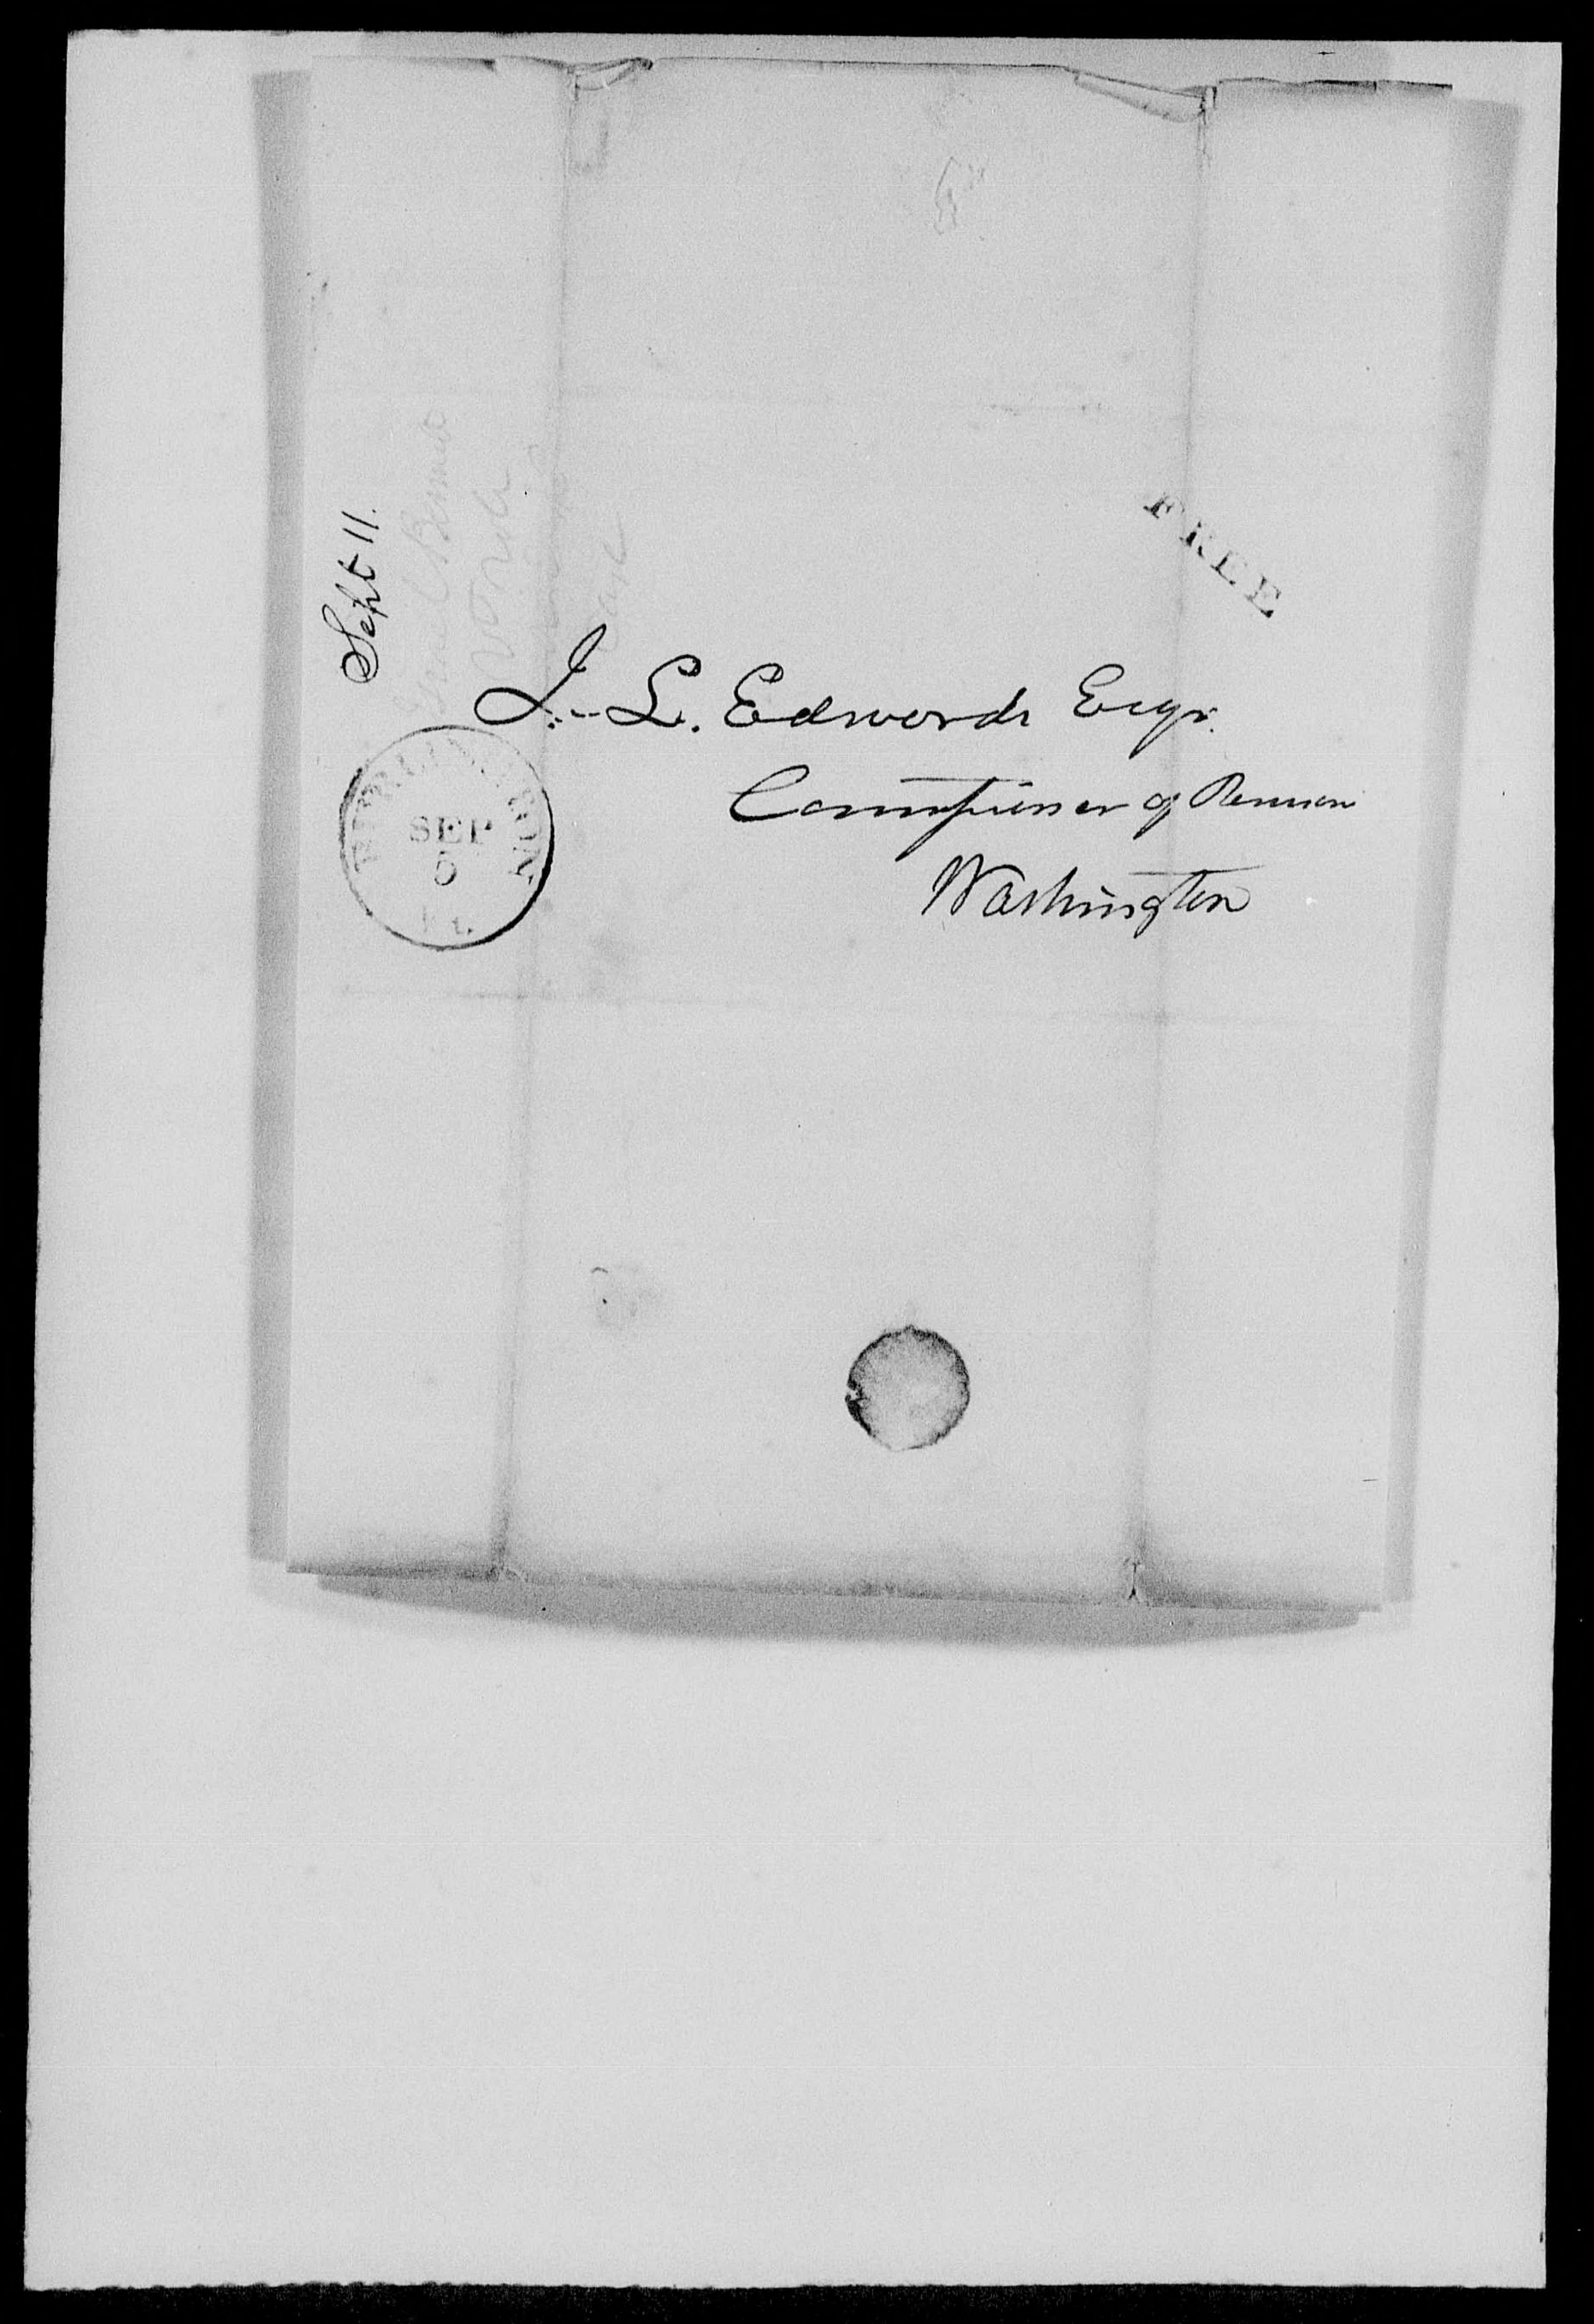Sept 11.
FREE
[stamp] BURLINGTON SEP 5 VT
J.L. Edwards Esq
Commissioner of Pensions
Washington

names: J L Edwards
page: 24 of 76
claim: widow's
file: W. 5,250, Timothy Coe, Conn.